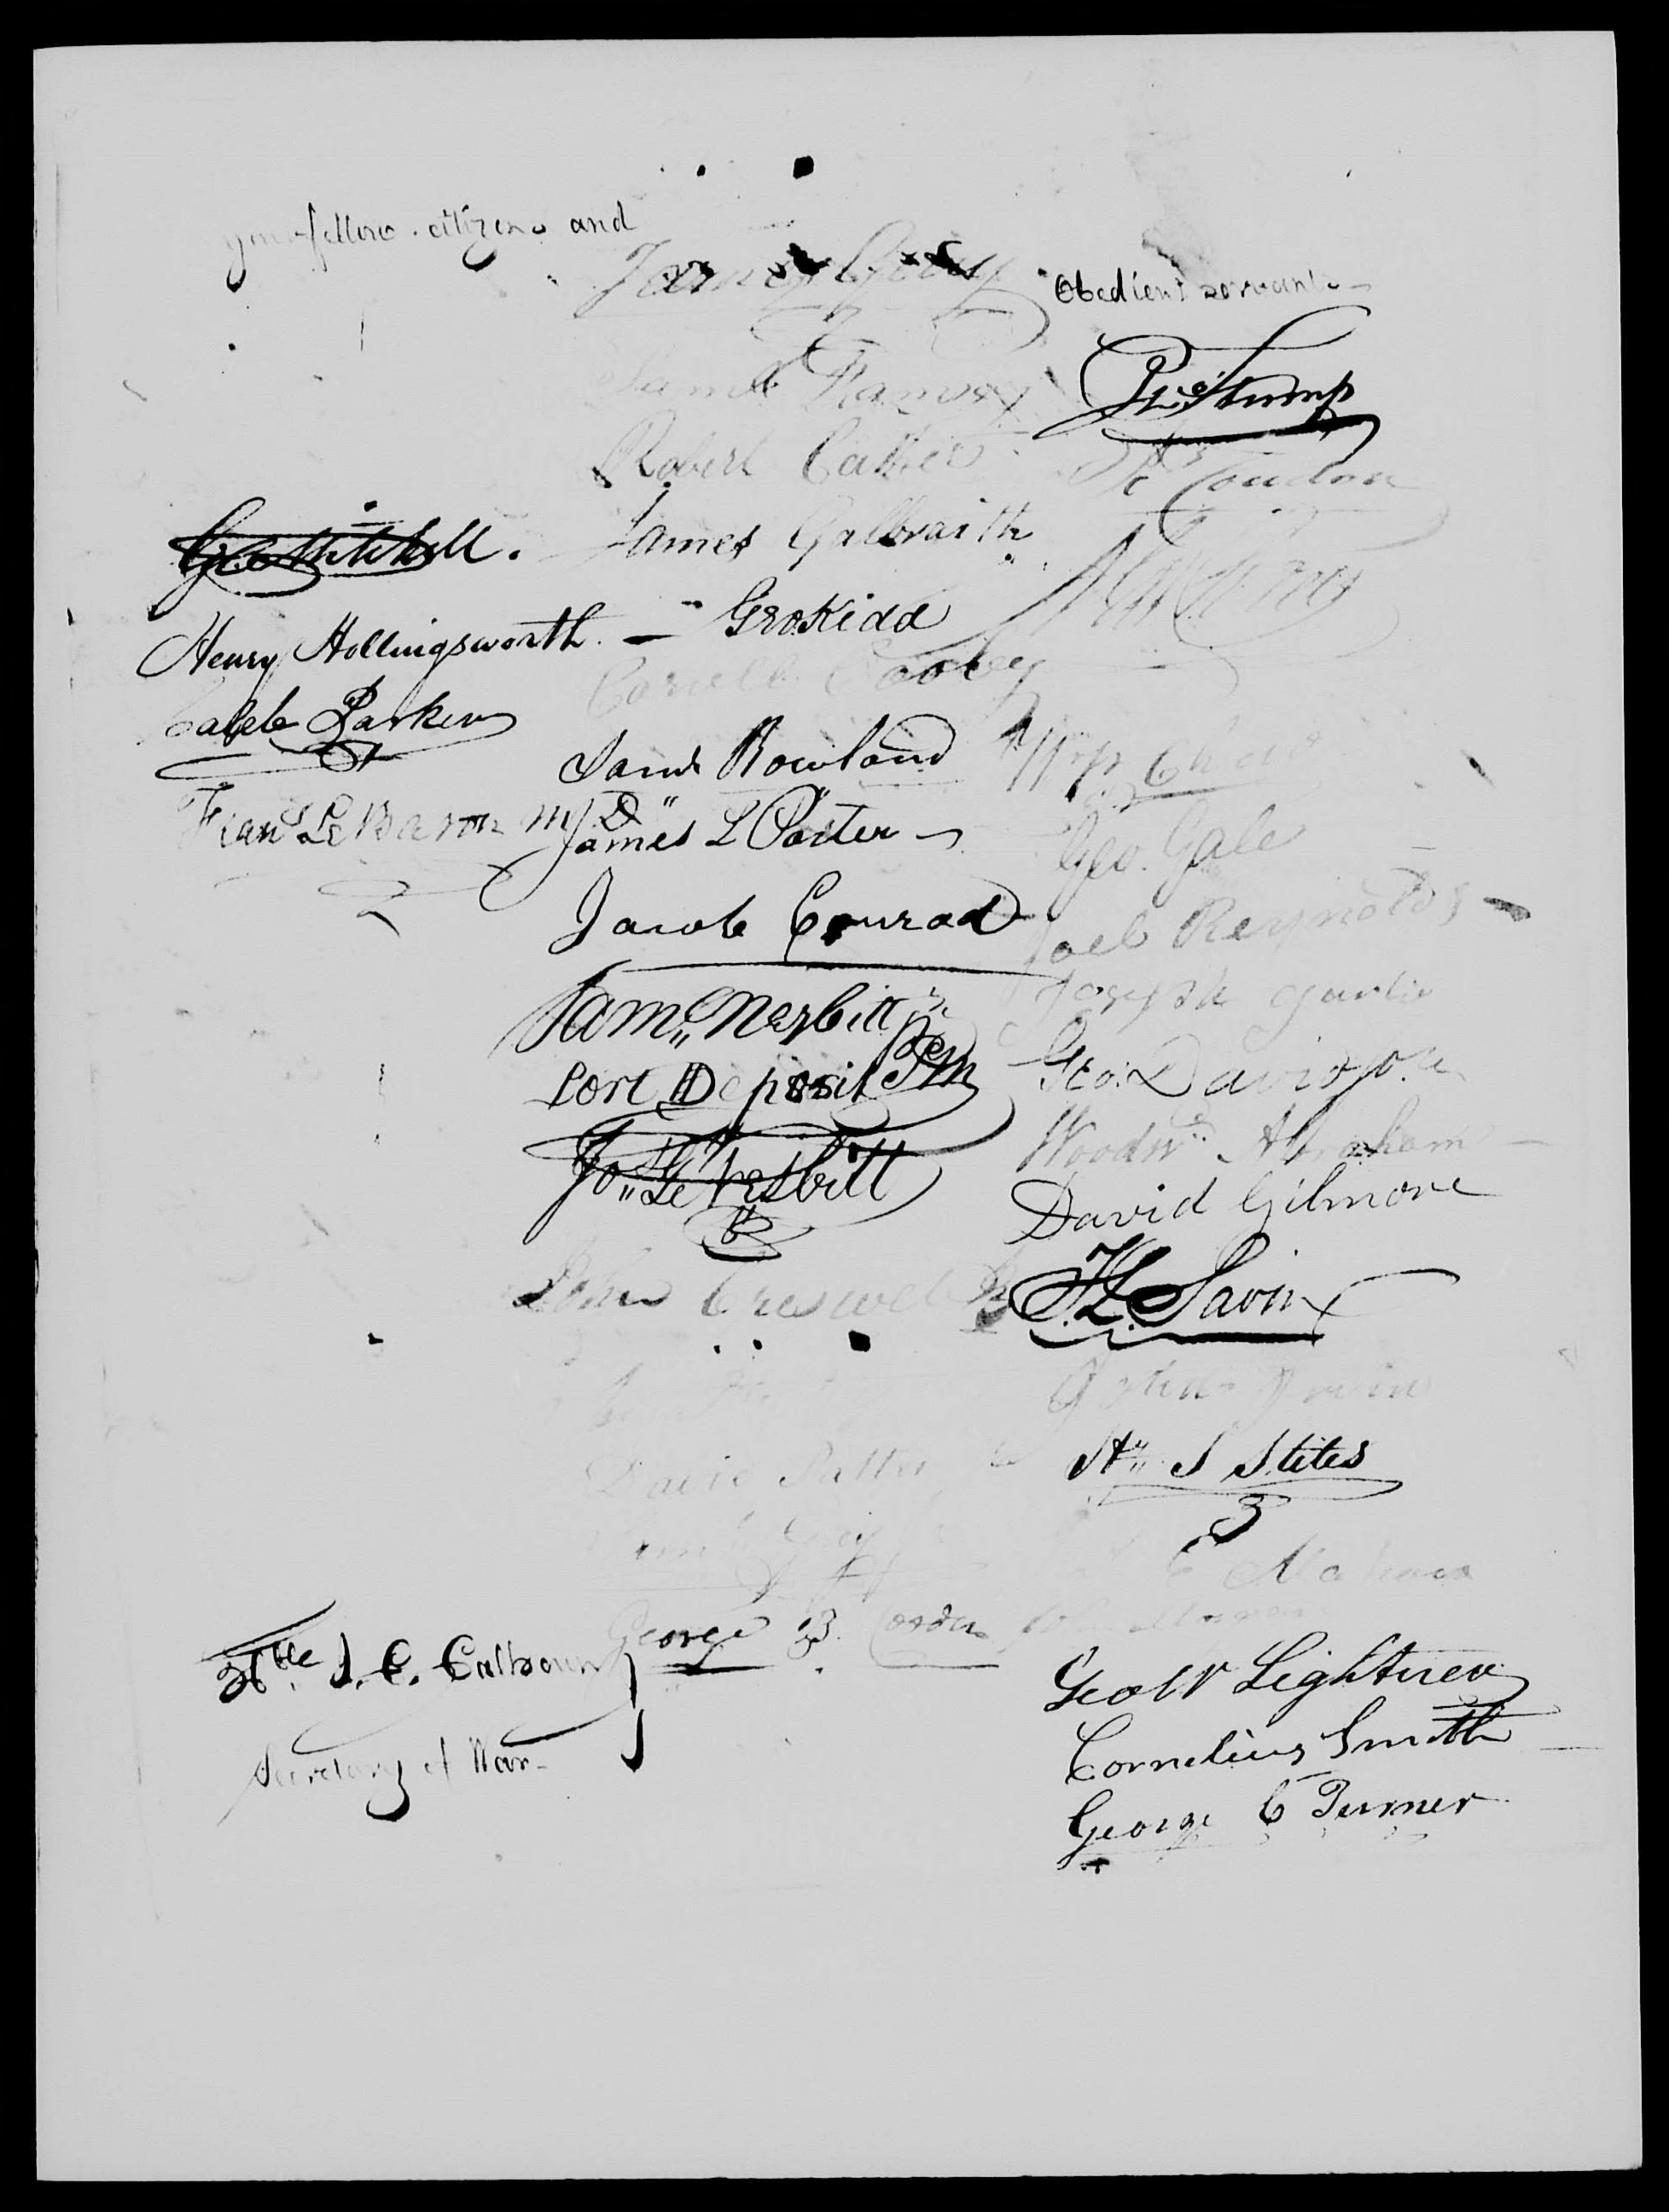good fellow citizens and obedient servants.
James Gray
Samuel Ramsay
Robert Carter
George Michell
James Galbraith
Henry Hollingsworth
George Kidd
Caleb Parker
Carnell Cooley
Fran LeBaron
David Rowland
James L Carter
Wm Chow
George Gale
Jacob Conrad 
Joel Reynolds
James Nesbitt
Joseph Gurlie
Lorne Deposit
George Davidson
John Nesbitt
Woodrow Abraham
David Gilmour
T L Savin
Hy S Stiles
J.C. Calhoon, Secretary of War
George W. Lightener
Cornelius Smith
George C. Jenner
[Note: A number of signatures are illegible.)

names: James Gray, Fran T Le Baron, Woodwd Abraham, Saml, Geo Gale, Geo Kidd, J C Calhoun, Robert Calber, Saml Nesbitt, John Creswell, James Galbraith, George C Turner, , Jos Ge Nesbitt, Joseph Gurlie, Lort Deposit, Coudon, Caleb Parker, Hy S Stiles, Jacob Conrad, Joel Reynolds, , James Rowland, David Gilmore, John, Henry Hollingsworth, George F Corden, Correll Tooby, Geo Davidson, T L Savin, , Geo Mitchell, Stump, Lavie Patton, Cornelius Smith, Saml, Geo W Lightner, James L Porter, King, W P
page: 20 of 31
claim: survivor's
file: S. 34646, Samuel Beaty, Penn.